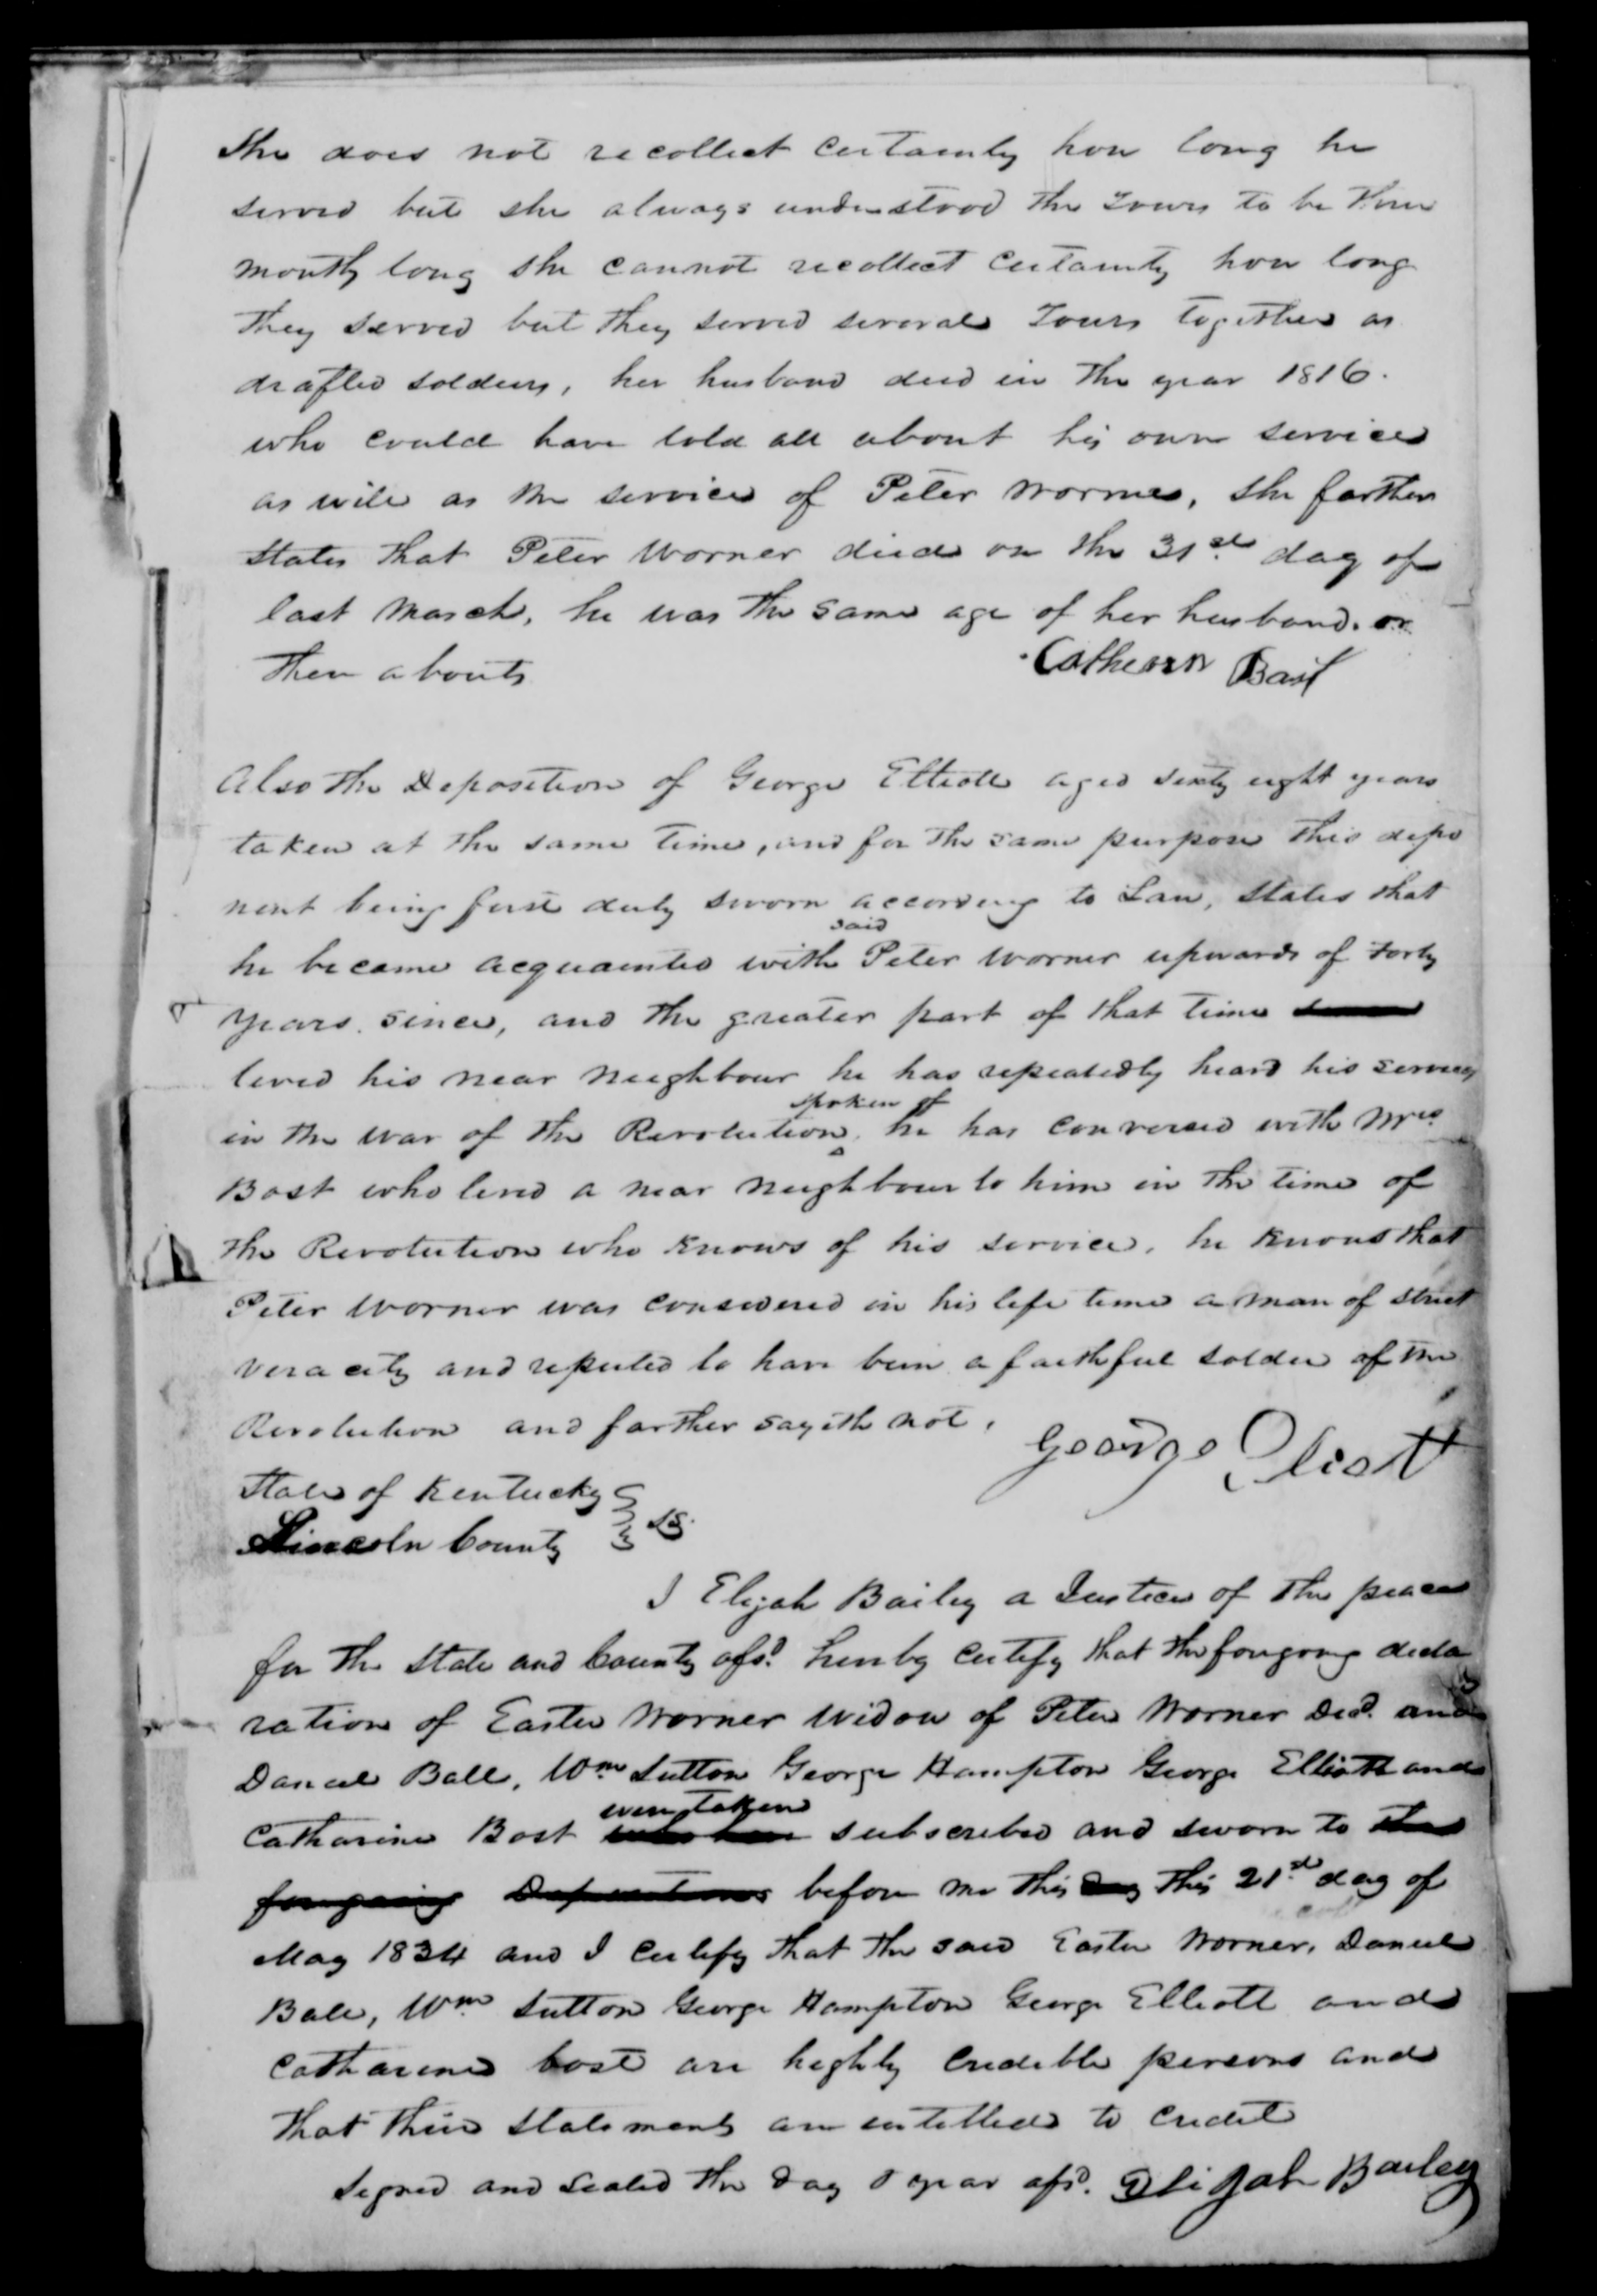She does not recollect certainly how long he
served but she always understood the Terms to be three
months long she cannot recollect certainly how long
they served but they served several Terms together as
drafted soldiers, her husband died in the year 1816
who could have told all about his own services
as well as the service of Peter Worner. She farther
states that Peter Worner died on the 31st day of
last March, he was the same age of her husband, or
there abouts Catharine Bost

Also the Deposition of George Elliott aged sixty eight years
taken at the same time, and for the same purpose this deponent being first duly sworn according to Law, States that
he became acquainted with said Petr Worner upwards of Forty
years since, and the greater part of that time
lived his near neighbour he has repeatedly heard his serving
in the war of the Revolution spoken of he has conversed with Mrs
Bost who lived a near neighbour to him in the time of
the Revolution who knows of his service, he knows that
Peter Worner was considered in his life time a man of strict
veracity and reputed to have been a faithful soldier of the
Revolution and farther sayeth not. George Elliott

State of Kentucky }
Lincoln County } SS.
I Elijah Bailey a Justice of the peace
for the State and County afsd hereby certify that the foregoing declaration 
of Easter Worner widow of Peter Worner Decd. and
Daniel BAll, Wm. Sutton George Hampton George Elliott and
Catharine Bost were taken subscribed and sworn to 
before me this this 21st day of
May 1834 and I certify that the said Easter Worner, Daniel
Ball, Wm Sutton George Hampton George Elliott and
Catharine Bost are highly credible persons and
that their statements are entitled to credit
Signed and sealed the day & year afsd. Elijah Bailey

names: George Elliott, Catharine Bost, Elijah Bailey, George Eliott, Daniel Ball, Easter Worner, Catherin Bost, Wm Sutton, Peter Worner, George Hampton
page: 8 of 14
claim: rejected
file: R 11149, Peter Worner, Md.